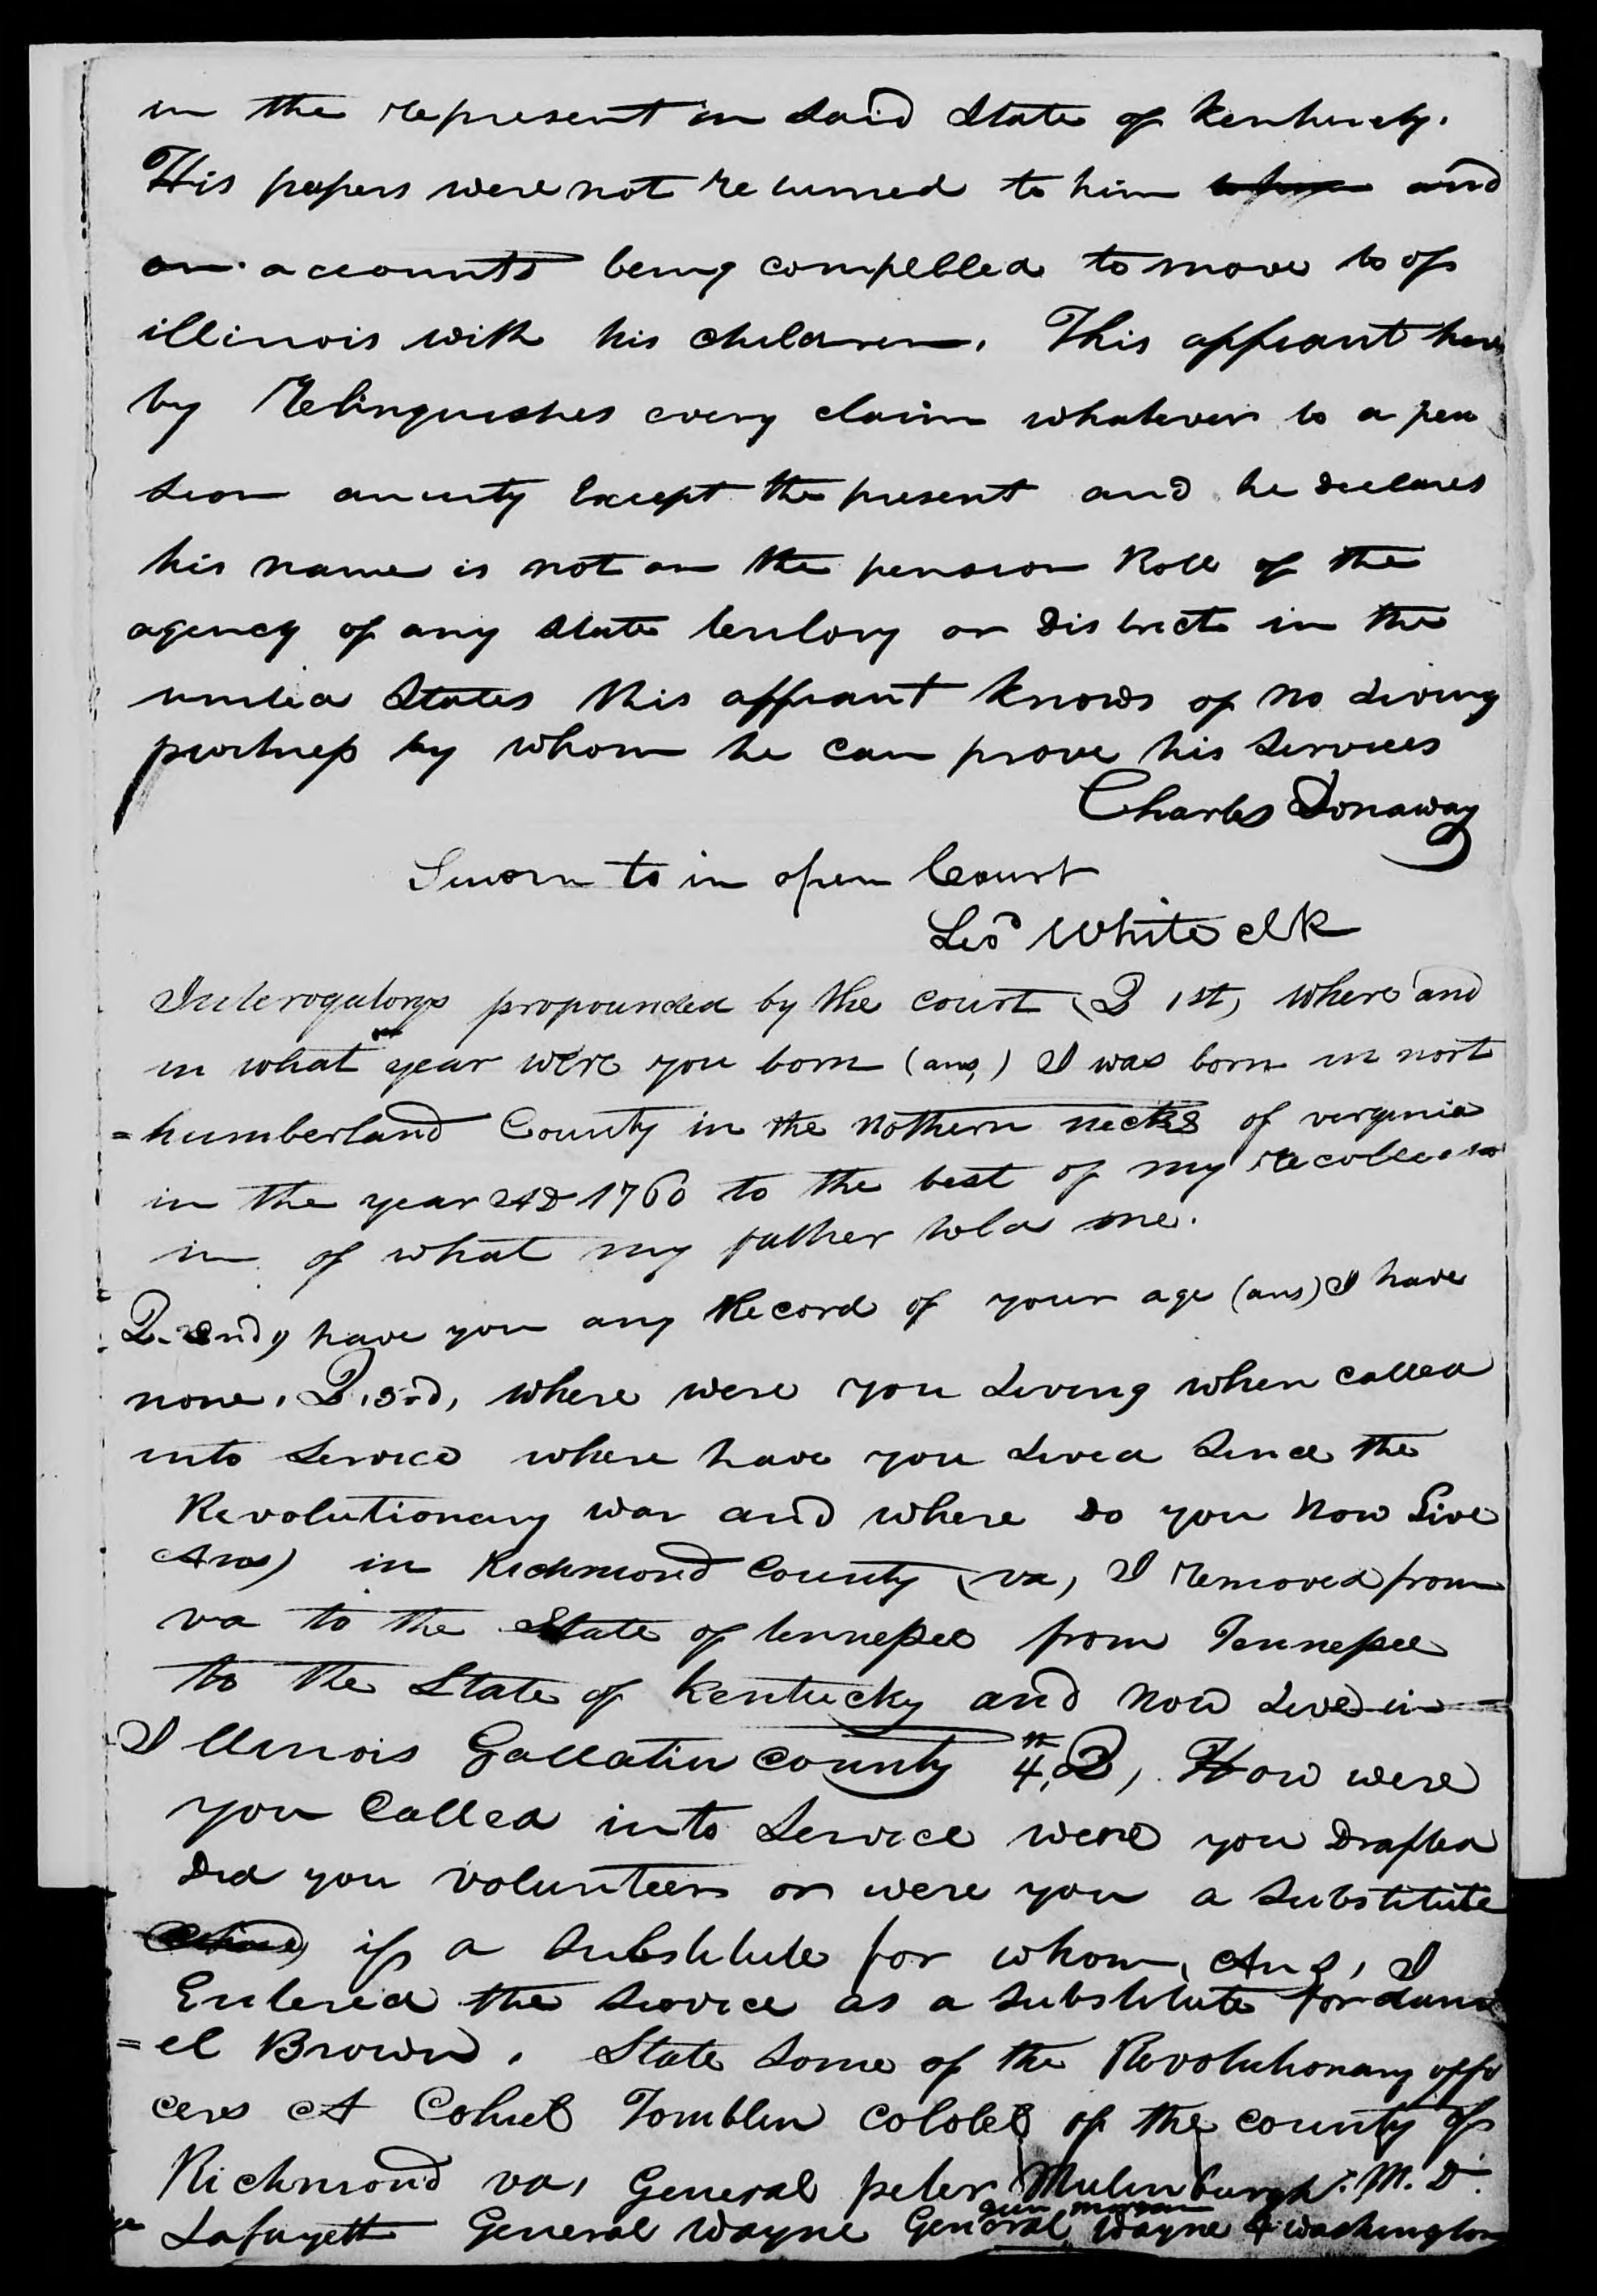in the represent in said State of Kentucky.
His papers were not returned to him and on account being compelled to move to of Illinois with his children, This affiant hereby relinquishes every claim whatever to a pension annuity except the present and he declares his name is not on the pension Roll of the agency of any state territory or district in the united States this affiant knows of no living witness by whom he can prove his services
Charles Donaway
Sworn to in open court
Leod White clk
Interrogatories propounded by the Court (Q 1st)  where and in what year were you born (ans,) I was born in Northumberland County in the northern necks of Virginia in the year AD 1760 to the best of my recollection in of what my father told me.
Q 2ndly have you any record of your age (ans) I have none (Q 3rd) where were you living when called into Service where have you lived Since the Revolutionary war and where do you now Live Ans) in Richmond County (Va) I removed from Va to the State of Tennessee from Tennessee to the State of Kentucky and now live in Illinois Gallatin County 4th (q) How were you called into service were you Drafted did you volunteer or were you a substitute and if a substitute for whom (Ans) I Entered the service as a substitute for Daniel Brown. State some of the Revolutionary officers A Colonel Tomblin Colonel of the County of Richmond was General Peter Mulenburgh M. D. Lafayette General Wayne General Green Morgan Wayne & Washington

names: Wayne, Peter Mulenburgh, Charles Donaway, Wayne, M D Lafayett, Washington, Leod White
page: 4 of 29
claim: rejected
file: R. 3010, Charles Donaway, Va.